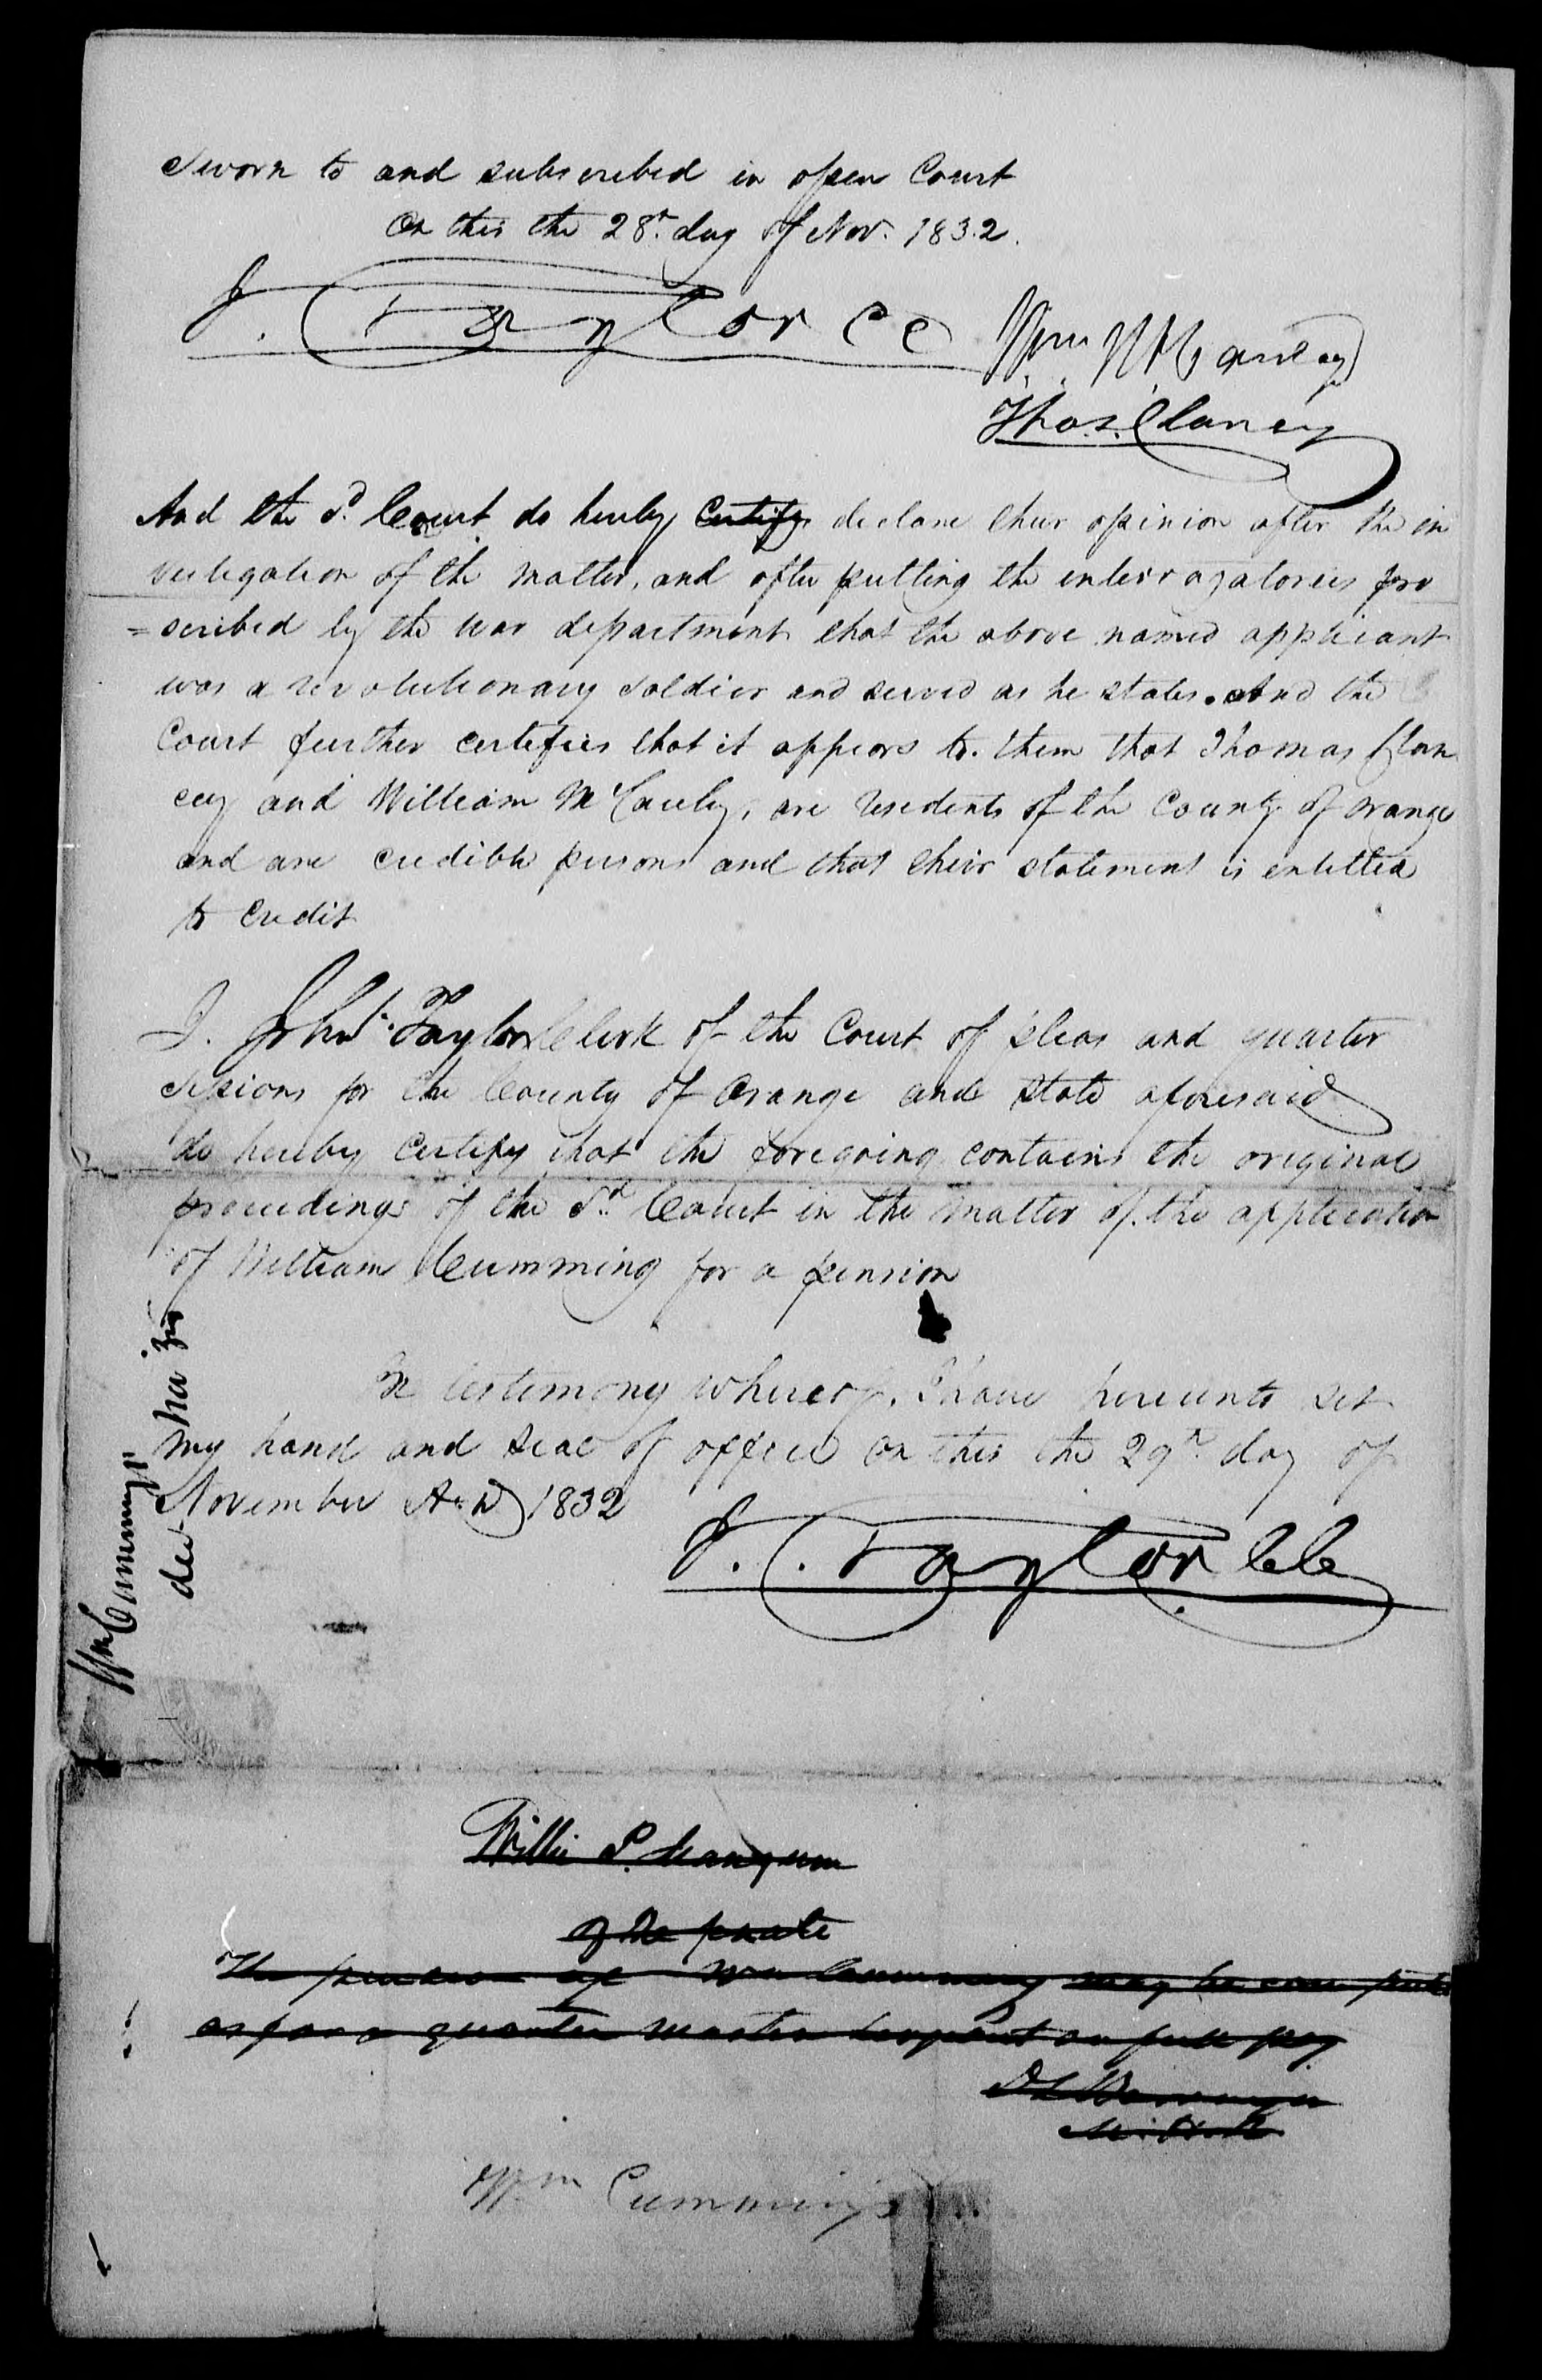[Handwritten record, continued.  Occasional spacing has been included to make the long text block easier to read.]

Sworn to and subscribed in open Court
On this the 28th. day of Nov. 1832.
J. [John] Taylor CC  [Clerk of the Court]          Wm [?] MCauley
                                                                       Thos. Clancey [or Claney]

And the sd. Court do hereby [here the following word was stricken through] Certify [here handwriting in much lighter ink begins] declare their opinion after the investigation of the matter, and after putting the interrogatories prescribed by the War department that the above named applicant was a revolutionary Soldier and served as he States.  And the Court further certifies that it appears to them that Thomas Clancey and William McCauley, are residents of the County of Orange and are credible persons and that their statement is entitled to credit

I John. Taylor Clerk of the Court of pleas and quarter Sessions for the County of Orange and State aforesaid do hereby Certify that the foregoing contains the original proceedings of the sd. Court in the matter of the application of William Cumming for a pension

[Here, along the left margin of the page, written perpendicularly in dark ink, appears:] Wm Cumming
                                                                                                                                           decd [?] Nov [illegible] 
[Below, there is a partial image of a round stamp like a seal of office, showing through from the other side of the page, and a piece of tape covering a horizontal tear near the left margin of the page.]  

In testimony whereof, I have hereunto set my hand and Seal of office on this the 29th day of November A.D. 1832
J. Taylor CC [Clerk of Court]

[The following part is written in dark ink, and stricken through:]  Willie [?]S [or ?P] Mangum
of the [illegible]
The pension of Wm Cumming may be [?] completed as far as quarter Master Sergeant on full pay
D L [or ?S] [?] Benninger]
[?] As: Clerk

[Below that, there is in lighter ink or grease pencil:] Wm. Cummings
[Nearby, and below, there is a piece of tape covering a vertical tear along the bottom of the page.]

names: J Cray Cox, Thos Clancy, J Cray Cox, Wm Cummings, Wm Mc Cauley, William Mc Cauley, William Cumming, Thomas Clancey, John Taylor, Wm Cumming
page: 9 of 145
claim: survivor's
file: S. 8265, William Cumming, N.C.